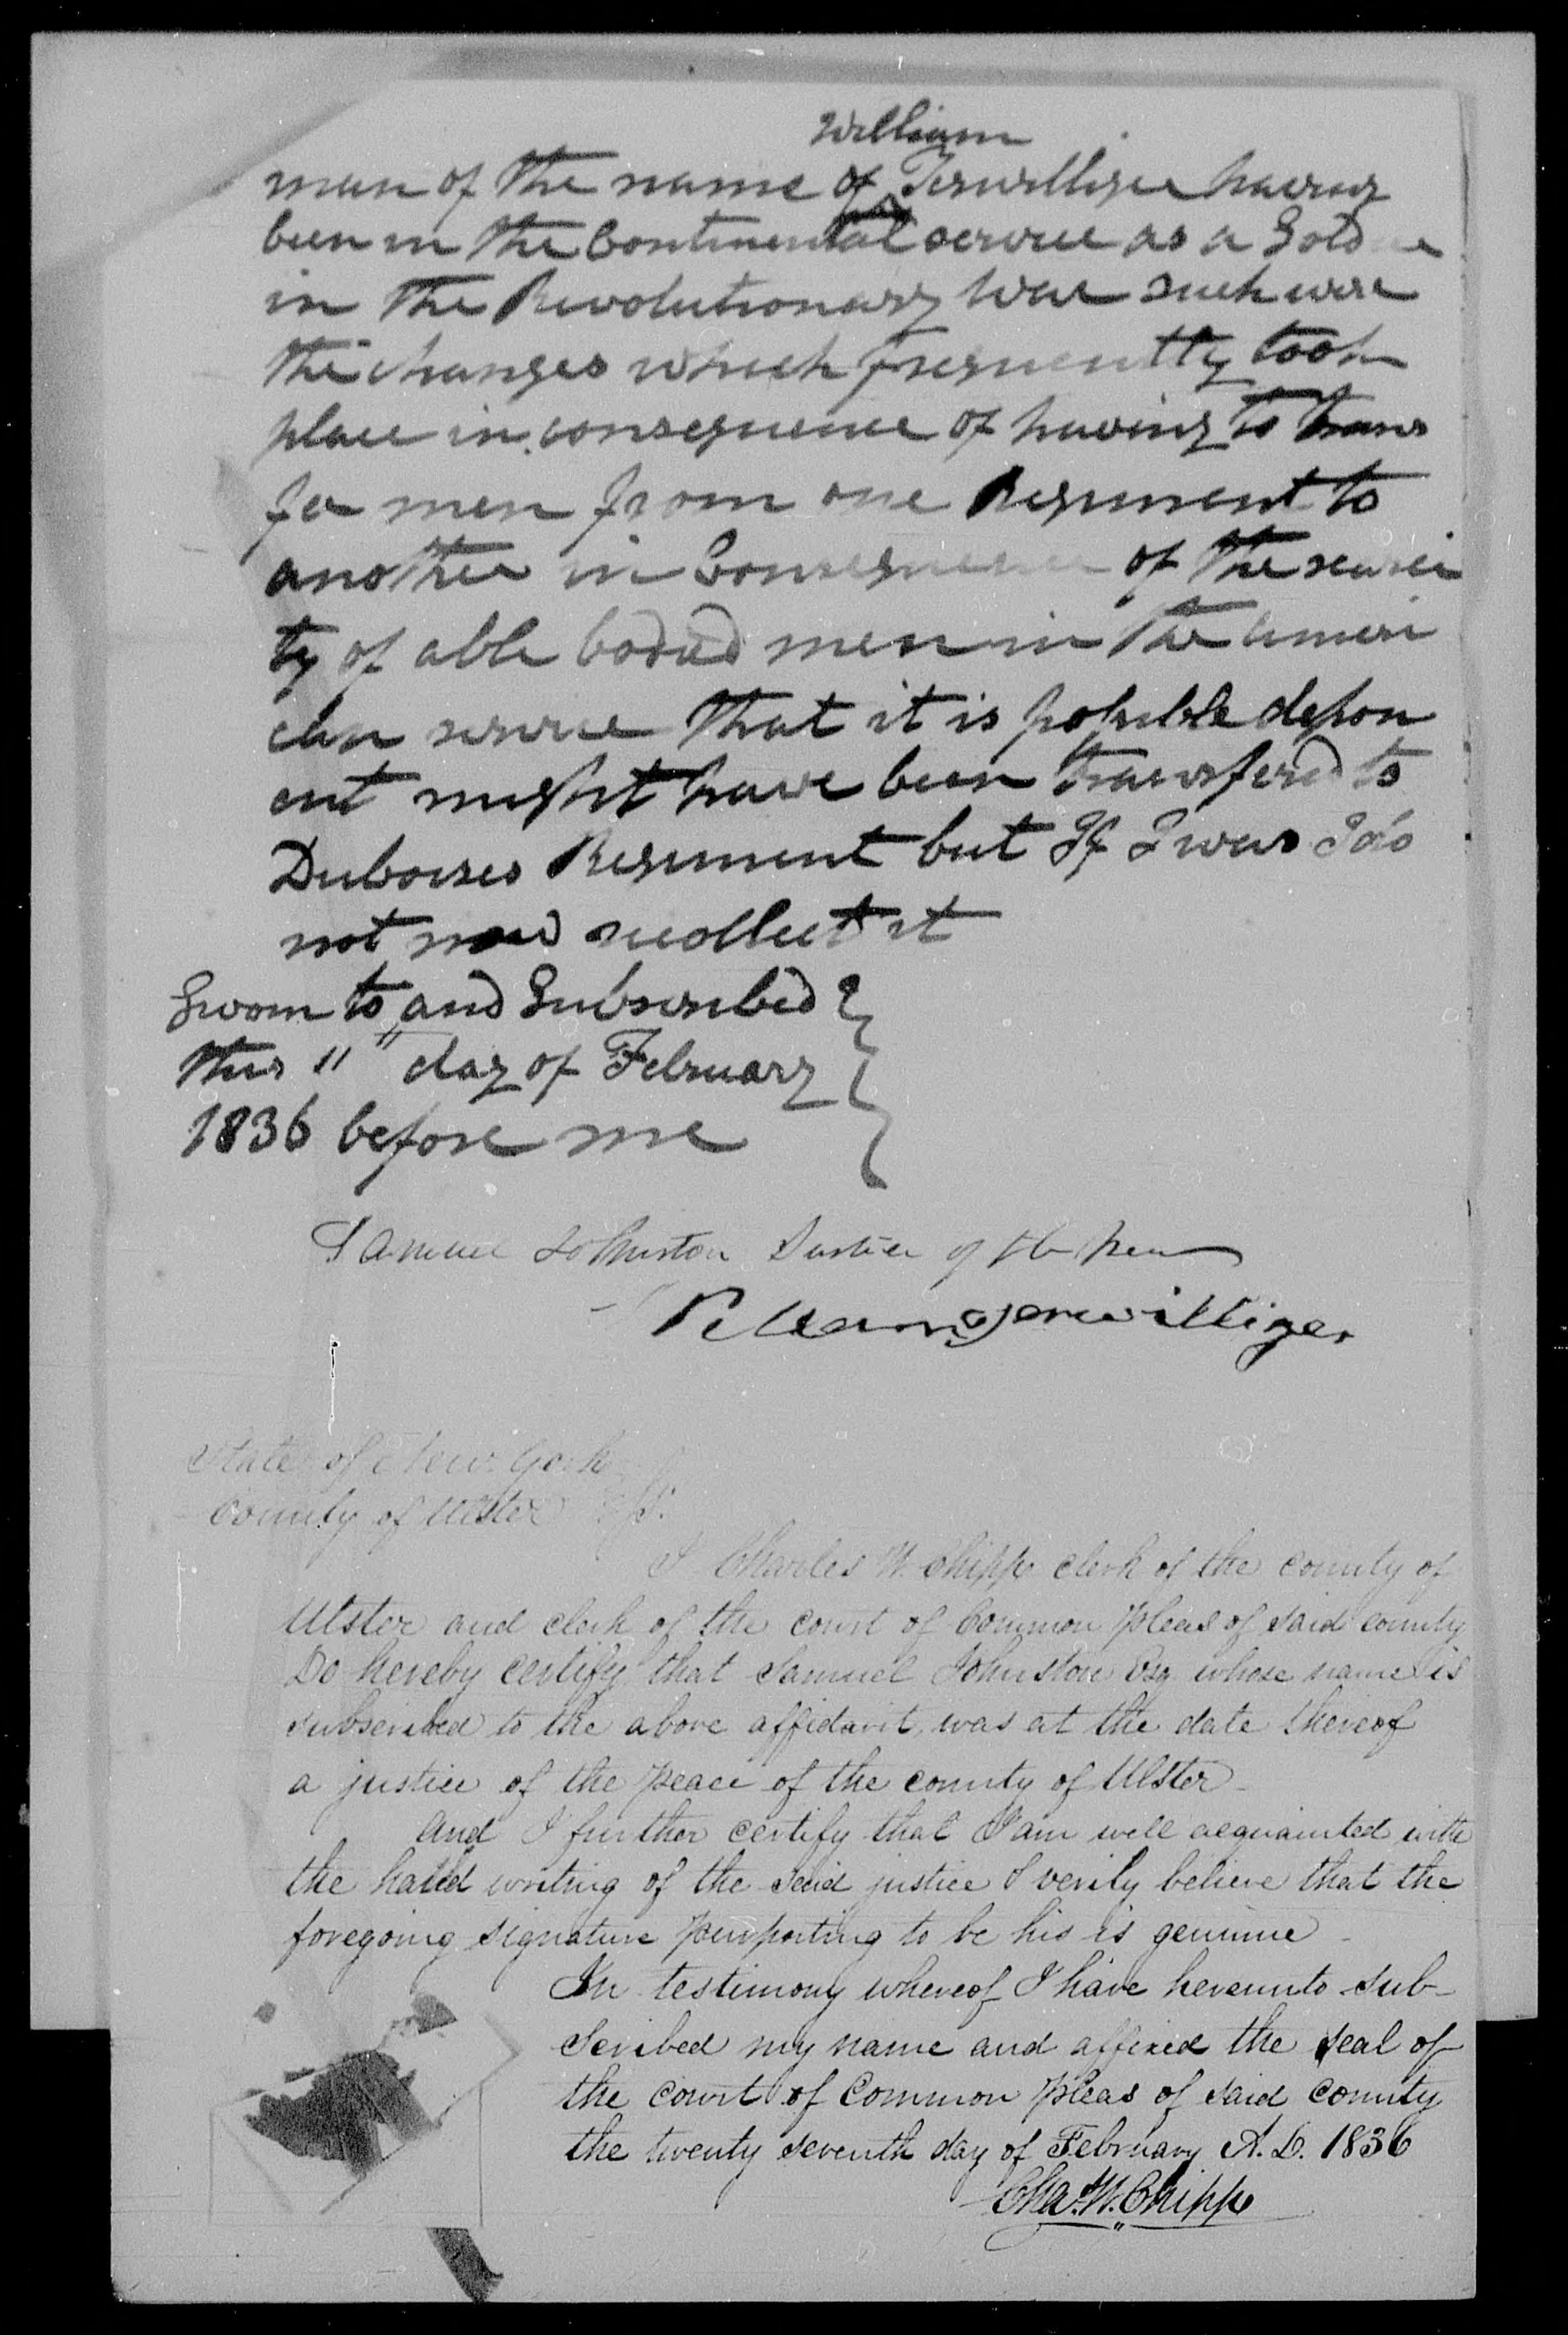man of the name of William Terwilliger having been
in the Continental service or as a sold
in the Revolutionary was such were
the changes which presently took
place in consequence of having to [illegible]
a men from one Regiment to
another in come [illegible]
ty of able bodied men in the amen
can see that it is possible deponent might have been transfered to
Dubois Regiment but if I was as
not now recollect it
Sworn to and subscribed by
this 11 day of February
1836 before me
Samuel Johnston Justice of the Peace

Willam Terwilliger

State of New York
County of Ulster
I Charles W. Shipp Clerk of the County of
Ulster and Clerk of the Court of Common Pleas of said County
Do hereby certify that Samuel Johnston Esq whose name is
subscribed to the above affidavit was at the date thereof
a justice of the peace of the county of Ulster
and I further certify that I am well acquainted with
the hand writing of the said justice & verily believe that the
foregoing signature purporting to be his is genuine
In testimony whereof I have hereunto subscribed
my name and affixed the seal of
the Court of Common pleas of said County
the twenty seventh day of February A.D. 1836
Chas. W. Chipp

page: 55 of 64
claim: survivor's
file: S. 42,464, for William Terwilliger, New York